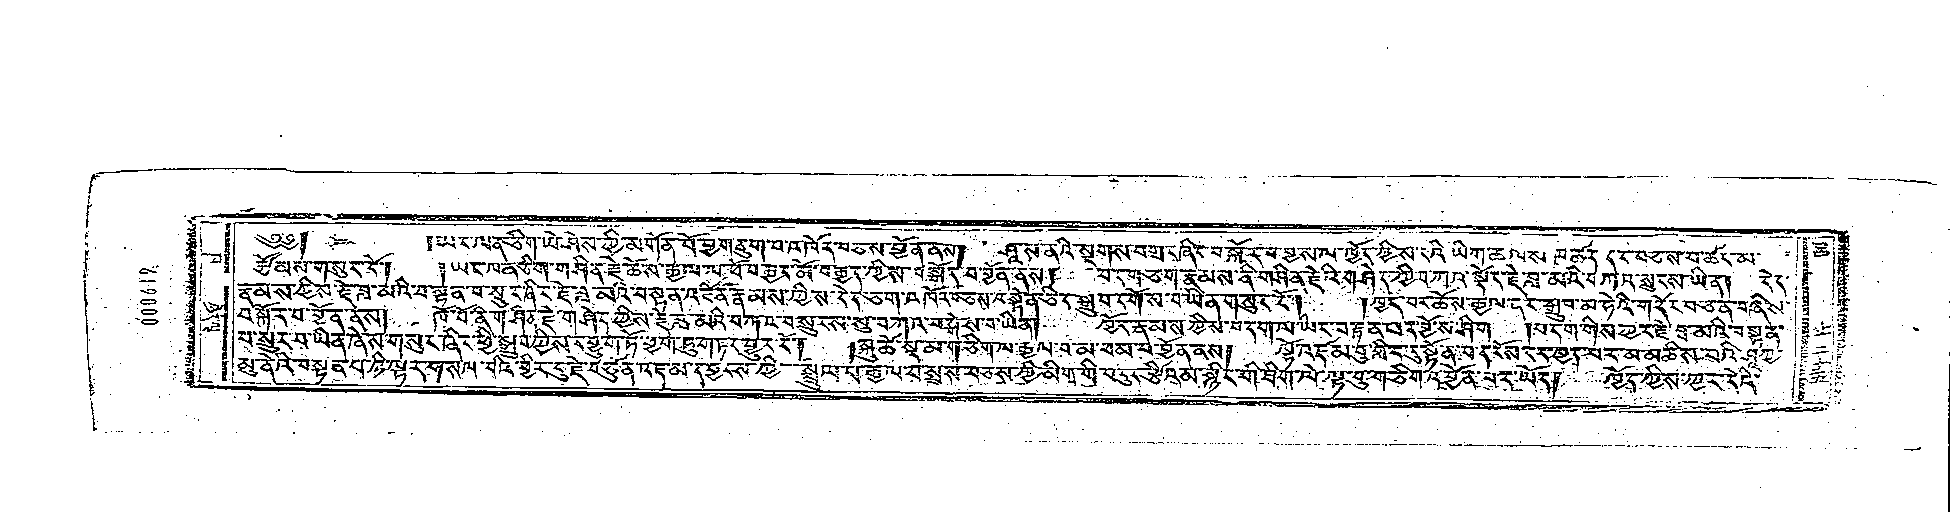༄༅། །ཡང་ལན་ཅིག་ཡེ་ཤེས་ཀྱི་མགོན་བོ་ཕྱག་དྲུག་པ་འཁོར་བཅས་བྱོན་ནས། ཤཱ་ས་ནའི་སྔགས་བགྲང་ཞིང་བསྐོར་བ་བྱས་ལ་ཁྱོད་ཀྱིས་ངའི་ཡིག་ཆ་ལས་ཁ་ཚར་དང་བཅས་པ་ཚང་མ་
རྩོམས་གསུང་ངོ། །ཡང་ལན་ཅིག་གཤིན་རྗེ་ཆོས་རྒྱལ་ལ་ཕོ་བརྒྱད་མོ་བརྒྱད་ཀྱིས་བསྐོར་བ་བྱོན་ནས། བདག་ཅག་རྣམས་ནི་གཤིན་རྗེའི་གཤེད་ཀྱི་བཀའ་སྡོང་རྗེ་བླ་མའི་བཀའ་སྲུངས་ཡིན། ངེད་
རྣམས་ཀྱིས་རྗེ་བླ་མའི་བསྟན་བ་སྲུང་ཞིང་རྗེ་བླ་མའི་བསྟན་འཛིན་རྣམས་ཀྱིས་དེང་ཅག་འཁོར་བཅས་བསྟེན་ཅིང་སྒྲུབ་དགོས་པ་ཡིན་གསུང་ངོ། །ཁྱད་བར་ཆོས་རྒྱལ་ནང་སྒྲུབ་མ་ཧེའི་གདོང་པ་ཅན་བཞིས་
བསྐོར་བ་བྱོན་ནས། ཁོ་བོ་ནི་གཤིན་རྗེ་གཤེད་ཀྱིས་རྗེ་བླ་མའི་བཀའ་བསྲུངས་སུ་བཀའ་བསྒོས་བ་ཡིན། ཁྱོད་རྣམས་ཀྱིས་བདག་ལ་ཡིད་བརྟན་པར་བྱོས་ཤིག །བདག་གིས་ཀྱང་རྗེ་བླ་མའི་བསྟན་
པ་སྲུང་བ་ཡིན་ཞེས་གསུང་ཞིང་ཕྱི་སྒྲུབ་ཀྱིས་དབྱུག་ཏོ་ཕྱག་ཏུ་གཏང་བྱུང་ངོ། །སྐུ་ཚེ་སྔ་མ་གཅིག་ལ་རྒྱལ་བ་མ་ཕམ་པ་བྱོན་ནས། ལྷོ་འཛམ་བུ་གླིང་དུ་སྟོན་པ་དངོས་དང་ཁྱད་པར་མ་མཆིས་པའི་ཤཱཀྱ་
མུ་ནེའི་བསྟན་པ་ཉི་ལྟར་གསལ་བའི་ཕྱིར་དུ་རྗེ་བཙུན་འཇམ་དབྱངས་ཀྱི་སྤྲུལ་པ་རྒྱལ་བ་སྲས་བཅས་ཀྱི་མིག་གི་བདུད་རྩིའམ་སྙིང་གི་ཐིག་ལེ་ལྟ་བུ་གཅིག་འབྱོན་པར་ཡོད། ཁྱོད་ཀྱིས་ཀྱང་དེའི་